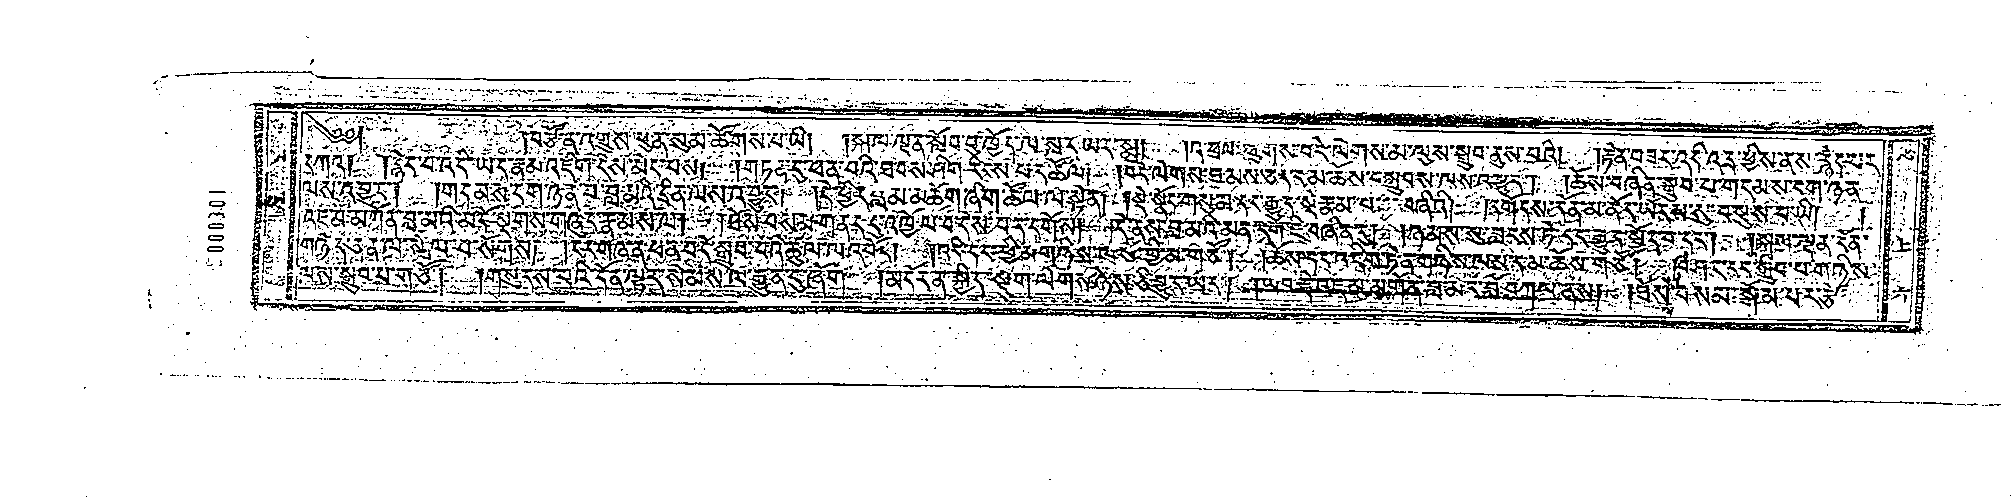༄༅། །བརྩོན་འགྲུས་ཕུན་སུམ་ཚོགས་པ་ཡི། །སྐལ་ལྡན་སློབ་བུ་ཁྱོད་ལ་སླར་ཡང་སྨྲ། །འཕྲལ་ཕུགས་བདེ་ལེགས་མ་ལུས་སྒྲུབ་ནུས་པའི། །རྟེན་བཟང་འདི་འདྲ་ཕྱིས་ནས་རྙེད་པར་
དཀའ། །རྙེད་པ་འདི་ཡང་རྣམ་འཇིག་ངེས་མེད་པས། །གཏན་དུ་ཕན་པའི་ཐབས་ཤིག་རིངས་པར་ཚོལ། །བདེ་ལེགས་ཐམས་ཅད་དམ་ཆོས་བསྒྲུབས་ལས་འབྱུང་། །ཆོས་བཞིན་སྒྲུབ་པ་གདམས་ངག་ཉན་
ལས་འབྱུང་། །གདམས་ངག་ཉན་པ་བླ་མའི་དྲིན་ལས་འབྱུང་། །དེ་ཕྱིར་བླ་མ་མཆོག་ཞིག་ཚོལ་ལ་སྟེན། །སྡེ་སྣོད་གསུམ་དང་རྒྱུད་སྡེ་རྣམ་པ་བཞིའི། །དགོངས་དོན་མ་ནོར་ཡོངས་སུ་བསྡུས་པ་ཡི། །
འཇམ་མགོན་བླ་མའི་མདོ་སྔགས་གཞུང་རྣམས་ལ། །ཐོས་བསམ་གནང་དུ་འཁྱོལ་བ་ངེས་པར་དགོས། །དེ་ནས་བླ་མའི་མན་ངག་ཇི་བཞིན་དུ། །ཉམས་སུ་བླངས་ཏེ་རང་རྒྱུད་སྦྱོར་བ་དང་། །སྐལ་ལྡན་དོན་
གཉེད་ཅན་ལ་སྤེལ་བ་སོགས། །རང་གཞན་ཕན་བདེ་སྒྲུབ་པའི་ཚུལ་ལ་འབོད། །འདི་དང་ཕྱི་མ་གཉིས་ལས་ཕྱི་མ་གཙོ། །ཆོས་དང་འཇིག་རྟེན་གཉིས་ལས་དམ་ཆོས་གཙོ། །བཤད་དང་སྒྲུབ་པ་གཉིས་
ལས་སྒྲུབ་པ་གཙོ། །གསུངས་པའི་དོན་ལྟར་སེམས་ལ་རྒྱུན་དུ་ཞོག །མདོར་ན་སྐྱིད་སྡུག་ལེགས་ཉེས་ཅི་བྱུང་ཡང་། །ཡབ་རྗེ་འཇམ་མགོན་བླ་མར་བློ་བཀལ་ནས། །ཐོས་བསམ་སྒོམ་པར་རྩེ་